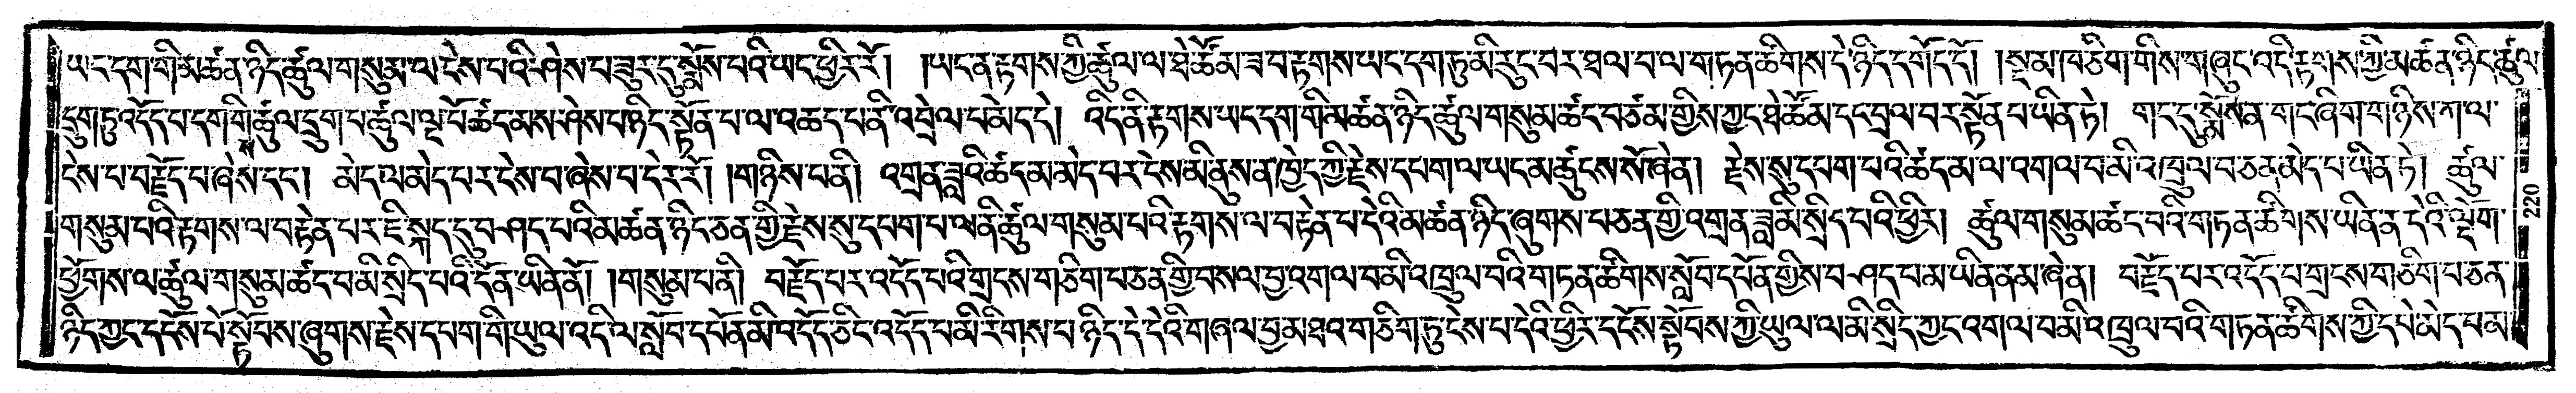ཡང་དག་གི་མཚན་ཉིད་ཚུལ་གསུམ་ལ་ངེས་པའི་ཤེས་པ་ཟུར་དུ་སྨོས་པའི་ཡང་ཕྱིར་རོ། །ཡང་ན་རྟགས་ཀྱི་ཚུལ་ལ་ཐེ་ཚོམ་ཟ་བ་རྟགས་ཡང་དག་ཏུ་མི་རུང་བར་ཐལ་བ་ལ་གཏན་ཚིགས་དེ་ཉིད་དགོད་དོ། །སྔ་མ་ཁ་ཅིག་གིས་གཞུང་འདི་རྟགས་ཀྱི་མཚན་ཉིད་ཚུལ་
དྲུག་ཏུ་འདོད་པ་དག་གིས་ཚུལ་དྲུག་པ་ཚུལ་ལྔ་པོ་ཚད་མས་ཤེས་པ་ཉིད་སྟོན་པ་ལ་འཆད་པ་ནི་འབྲེལ་བ་མེད་དེ། འདི་ནི་རྟགས་ཡང་དག་གི་མཚན་ཉིད་ཚུལ་གསུམ་ཚང་བ་ཙམ་གྱིས་ཀྱང་ཐེ་ཚོམ་དང་བྲལ་བར་སྟོན་པ་ཡིན་ཏེ། གང་དུ་སྨོས་ན་གང་ཞིག་གཉིས་ཀ་ལ་
ངེས་པ་བརྗོད་པ་ཞེས་དང་། མེད་ལ་མེད་པར་ངེས་པ་ཞེས་པ་དེར་རོ། །གཉིས་པ་ནི། འགྲན་ཟླའི་ཚད་མ་མེད་པར་ངེས་མི་ནུས་ན་ཁྱེད་ཀྱི་རྗེས་དཔག་ལ་ཡང་མཚུངས་སོ་ཞེ་ན། རྗེས་སུ་དཔག་བའི་ཚད་མ་ལ་འགལ་བ་མི་འཁྲུལ་བ་ཅན་མེད་པ་ཡིན་ཏེ། ཚུལ་
གསུམ་པའི་རྟགས་ལ་བརྟེན་པར་ཇི་སྐད་དུ་བཤད་པའི་མཚན་ཉིད་ཅན་གྱི་རྗེས་སུ་དཔག་པ་ལ་ནི་ཚུལ་གསུམ་པའི་རྟགས་ལ་བརྟེན་པ་དེའི་མཚན་ཉིད་ཞུགས་པ་ཅན་གྱི་འགྲན་ཟླ་མི་སྲིད་པའི་ཕྱིར། ཚུལ་གསུམ་ཚང་བའི་གཏན་ཚིགས་ཡིན་ན་དེའི་ལྡོག་
ཕྱོགས་ལ་ཚུལ་གསུམ་ཚང་བ་མི་སྲིད་པའི་དོན་ཡིན་ནོ། །གསུམ་པ་ནི། བརྗོད་པར་འདོད་པའི་གྲངས་གཅིག་པ་ཅན་གྱི་བསལ་བྱ་འགལ་བ་མི་འཁྲུལ་བའི་གཏན་ཚིགས་སློབ་དཔོན་གྱིས་བཤད་པ་མ་ཡིན་ནམ་ཞེ་ན། བརྗོད་པར་འདོད་པ་གྲངས་གཅིག་པ་ཅན་
ཉིད་ཀྱང་དངོས་པོ་སྟོབས་ཞུགས་རྗེས་དཔག་གི་ཡུལ་འདི་ལ་སློབ་དཔོན་མི་འདོད་ཅིང་འདོད་པ་མི་རིགས་པ་ཉིད་དེ་དེའི་གཞལ་བྱ་མཐའ་གཅིག་ཏུ་ངེས་པ་དེའི་ཕྱིར་དངོས་སྟོབས་ཀྱི་ཡུལ་ལ་མི་སྲིད་ཀྱང་འགལ་བ་མི་འཁྲུལ་བའི་གཏན་ཚིགས་ཀྱི་དཔེ་མེད་པ་མ་